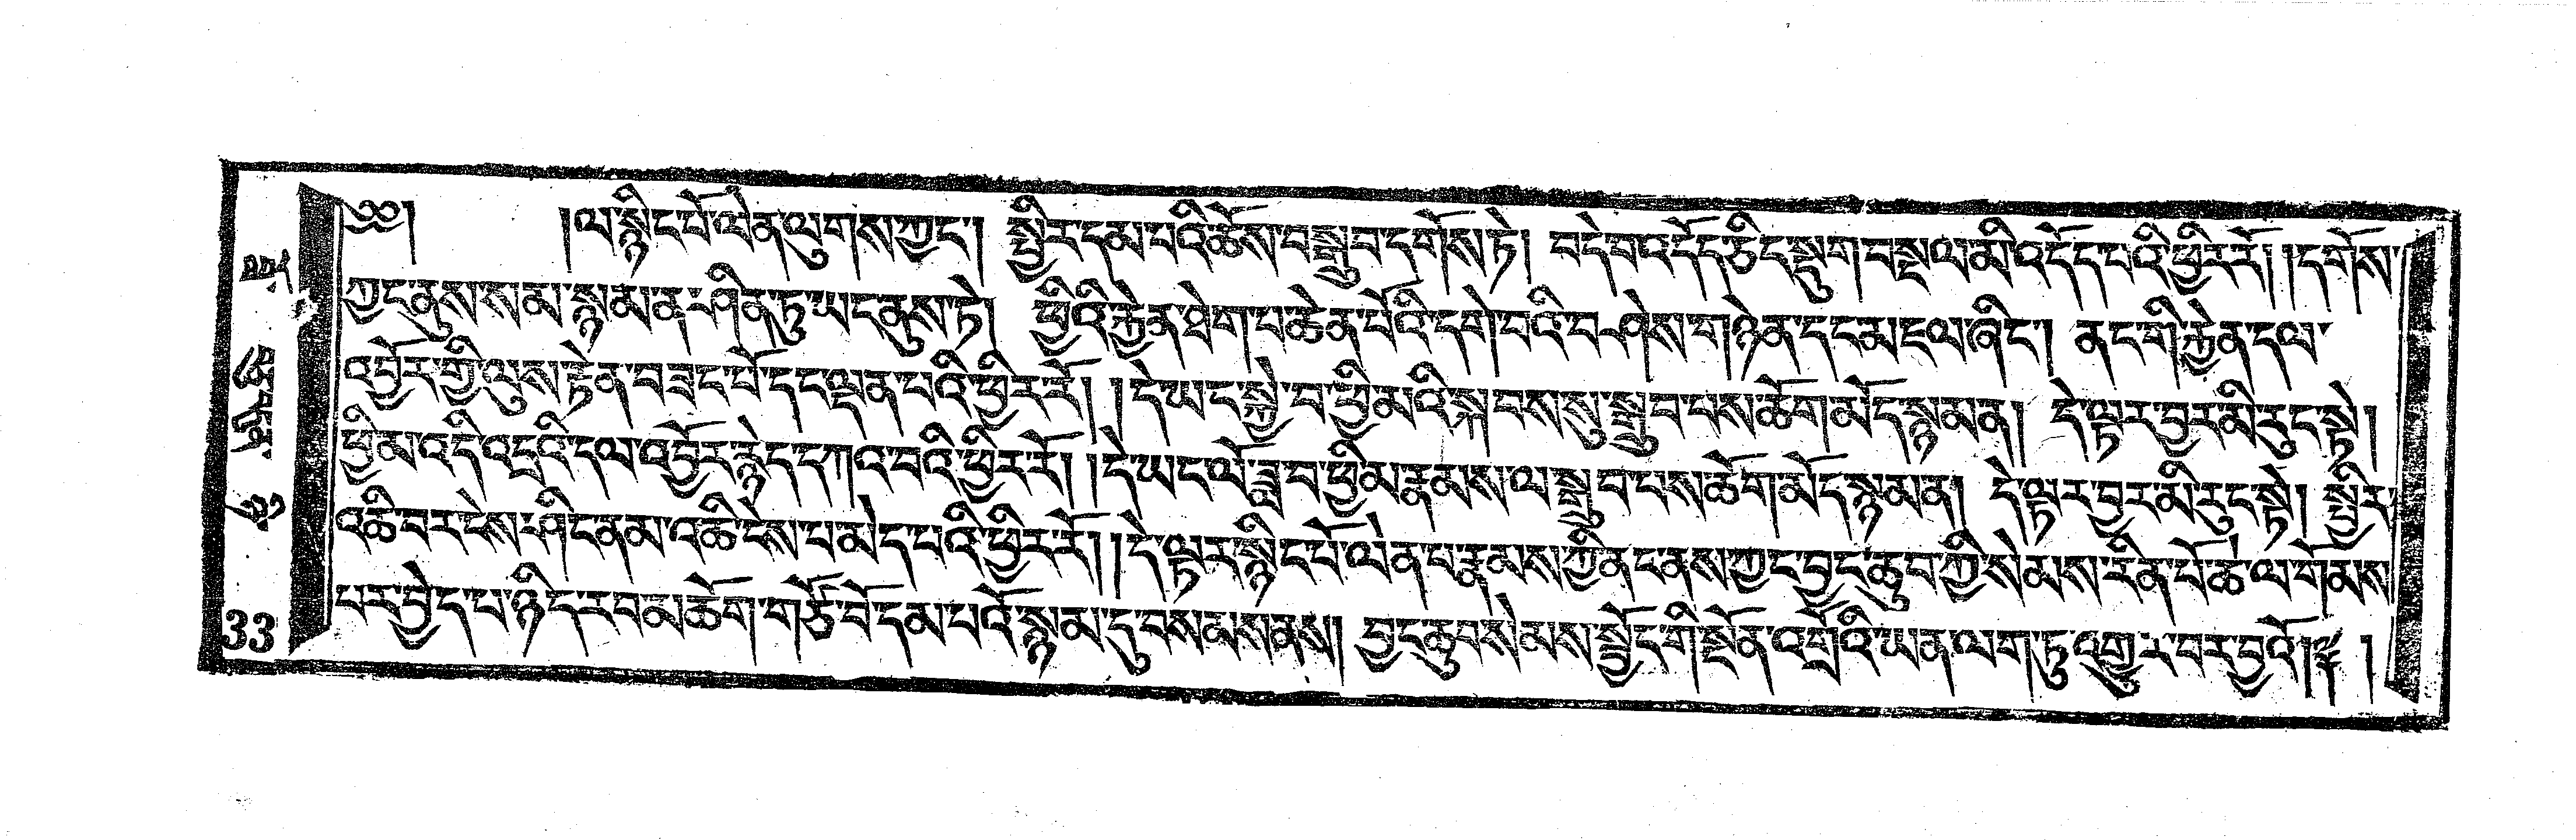༄༅། །ལ་སྙིང་པོ་ལེན་ལུགས་ཀྱང་། སྤྱིར་དམ་པའི་ཆོས་བསྒྲུབ་དགོས་ཏེ། བདེ་བ་འདོད་ཅིང་སྡུག་བསྔལ་མི་འདོད་པའི་ཕྱིར་རོ། །དགོས་
ཀྱང་ནུས་སམ་སྙམ་ན་ཤིན་ཏུ་ཡང་ནུས་ཏེ། ཕྱིའི་རྐྱེན་ཐེག་པ་ཆེན་པོའི་དགེ་བའི་བཤེས་གཉེན་དང་མཇལ་ཞིང་། ནང་གི་རྐྱེན་དལ་
འབྱོར་གྱི་ལུས་རྟེན་བཟང་པོ་དང་ལྡན་པའི་ཕྱིར་རོ། །དེ་ཡང་སྐྱེ་བ་ཕྱི་མའི་སྐབས་སུ་སྒྲུབ་པས་ཆོག་མོད་སྙམ་ན། དེ་ལྟར་བྱར་མི་རུང་སྟེ།
ཕྱི་མ་འདི་འདྲའི་དལ་འབྱོར་རྙེད་དཀའ་བའི་ཕྱིར་རོ། །དེ་ཡང་ལོ་ཟླ་བ་ཕྱི་མ་རྣམས་ལ་སྒྲུབ་པས་ཆོག་མོད་སྙམ་ན། དེ་ལྟར་བྱར་མི་རུང་སྟེ། སྤྱིར་
འཆི་བར་ངེས་ཤིང་ནམ་འཆི་ངེས་པ་མེད་པའི་ཕྱིར་རོ། །དེ་ལྟར་སྙིང་པོ་ལེན་པ་རྣམས་ཀྱི་ནང་ནས་ཀྱང་བྱང་ཆུབ་ཀྱི་སེམས་རིན་པོ་ཆེ་ལ་གོམས་
པར་བྱེད་པ་ཉིད་རབ་མཆོག་གཙོ་བོ་དམ་པའོ་སྙམ་དུ་བསམས་ནས། བྱང་ཆུབ་སེམས་སྦྱོང་གི་སྔོན་འགྲོའི་ཡན་ལག་ཏུ་འགྱུར་བར་བྱའོ། ༈ །